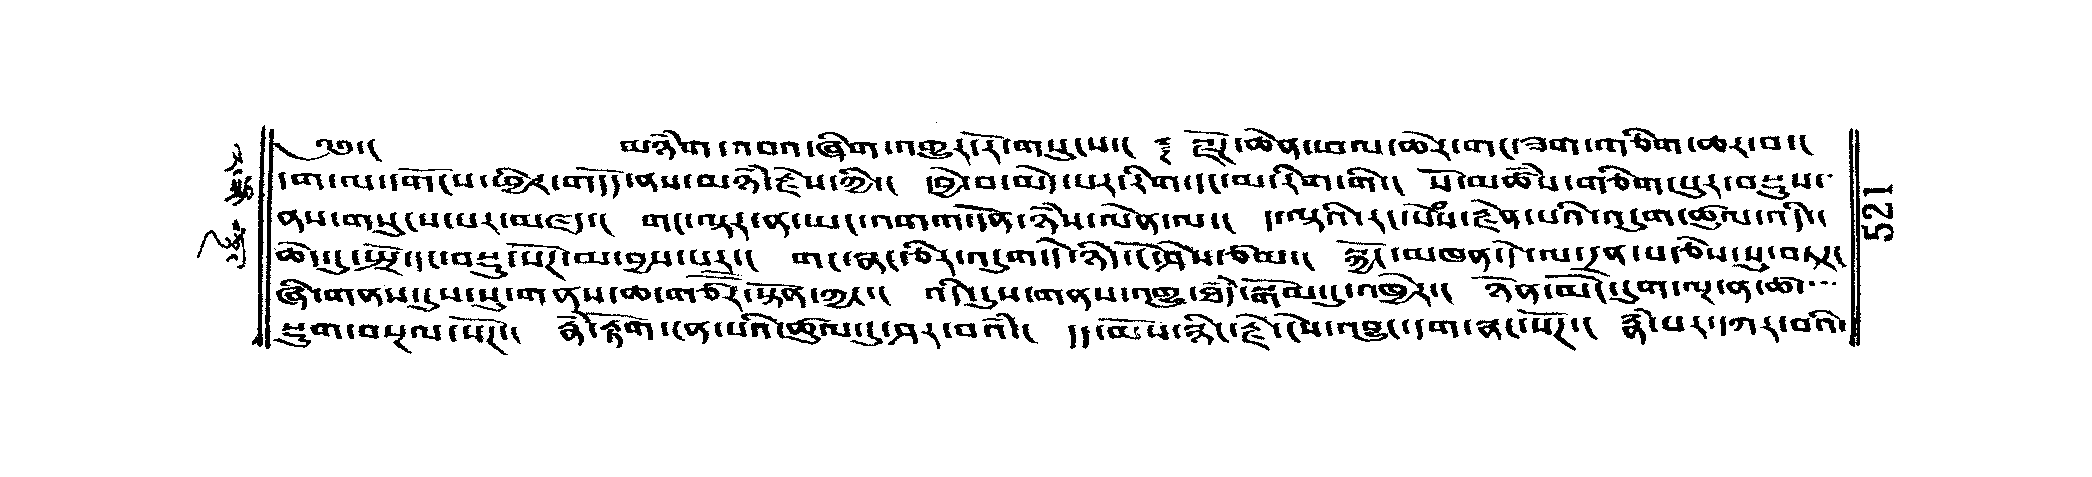མཉམ་བཞག་འབའ་ཞིག་འགྱུར་རོ་གསུངས། ༈ རྫོགས་ཆེན་ཕལ་ཆེར་གང་ཟག་གཅིག་ཆར་བ། །
དག་ལ་དགོངས་ཕྱིར་གདོད་ནས་མཉམ་རྗེས་ཀྱི། །དབྱེ་བ་མེད་པར་རིག་དང་མ་རིག་གི །སོ་མཚམས་གཅིག་པུར་བསྡུས་
ནས་གསུངས་པར་མཛད། །གང་ལྟར་ན་ཡང་འགག་དོན་ཉམས་ལེན་ལ། །ད་ལྟའི་རང་སེམས་རྗེན་པའི་འདུག་ཚུལ་འདི། །
ཆེད་དུ་སྤྲོ་དང་བསྡུ་སོགས་མ་བྱས་པར། །གང་སྣང་ཅིར་འདུག་དེ་ཉིད་ངོ་ཤེས་ཙམ། །སྐྱོང་མཁན་དེ་ལ་དྲན་པ་ཅེས་སུ་བཏགས། །
ཞི་གནས་དུས་སུ་གནས་ཆ་གཙོར་སྟོན་ཀྱང་། །འདི་དུས་གནས་འགྱུ་ཐམས་ཅད་སྒོམ་དུ་འཁྱེར། །ཉོན་མོངས་དུག་ལྔ་ན་ཚ་
སྡུག་བསྔལ་སོགས། །རྣམ་རྟོག་ངན་པའི་ཚུལ་དུ་ཤར་བའམ། །དད་མོས་སྙིང་རྗེ་ངེས་འབྱུང་དག་སྣང་སོགས། །རྣམ་པར་དཀར་བའི་